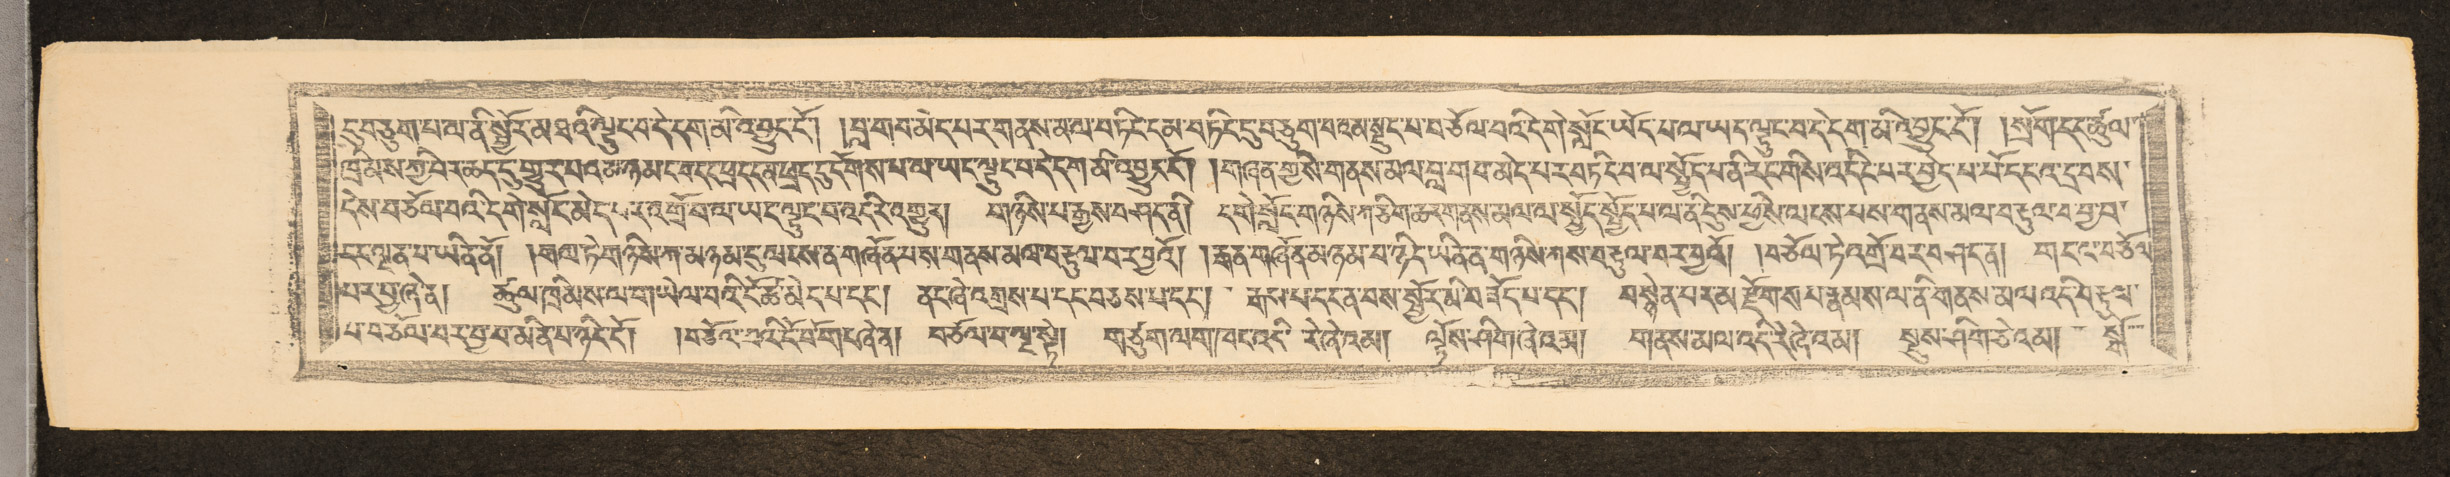དུ་བཅུག་པ་ལ་ནི་སྦྱོར་མཐའ་ལྟུང་བ་དེ་དག་མི་འབྱུང་ངོ། །བླ་གབ་མེད་པར་གནས་མལ་བཏིང་ངམ་བཏིང་དུ་བཅུག་པའམ་སྡུད་པ་བཅོལ་བའི་དགེ་སློང་ཡོད་པ་ལ་ཡང་ལྟུང་བ་དེ་དག་མི་འབྱུང་ངོ། །སྲོག་དང་ཚུལ་
ཁྲིམས་ཀྱི་བར་ཆད་དུ་གྱུར་པའམ་ཉམ་ང་བ་དད་ཕྲད་དམ་ཕྲད་དུ་དོགས་པ་ལ་ཡང་ལྟུང་བ་དེ་དག་མི་འབྱུང་ངོ། །གཞན་གྱིས་གནས་མལ་བླ་གབ་མེད་པར་བཏིང་བ་ལ་སྤྱོད་པ་ནི་རང་གིས་འདིང་བར་བྱེད་པ་པོ་དང་འདྲ་བས་
དེས་བཅོལ་བའི་དགེ་སློང་མེད་པར་འགྲོ་བ་ལ་ཡང་ལྟུང་པ་འདིར་འགྱུར། གཉིས་པ་རྒྱས་བཤད་ནི། དགེ་སློང་གཉིས་ཀ་ཅིག་ཆར་གནས་མལ་ལ་སྤྱོད་སྤྱོད་པ་ལ་ནི་དུས་ཕྱིས་ལངས་པས་གནས་མལ་བརྟུལ་བ་བྱ་བ་
དང་ལྡན་པ་ཡིན་ནོ། །གལ་ཏེ་གཉིས་ཀ་མཉམ་དུ་ལངས་ན་གཞོན་པས་གནས་མལ་བརྟུལ་བར་བྱའོ། །རྒན་གཞོན་མཉམ་པ་ཉིད་ཡིན་ན་གཉིས་ཀས་བརྟུལ་བར་བྱའོ། །བཅོལ་ཏེ་འགྲོ་བར་བཤད་ན། གང་ལ་བཅོལ་
བར་བྱ་ཞེ་ན། ཚུལ་ཁྲིམས་ལ་གཡེལ་བའི་ངོ་ཚ་མེད་པ་དང་། ནང་ཞེ་འགྲས་པ་དང་བཅས་པ་དང་། རྒས་པ་དང་ན་པས་སྦྱོར་མི་བཟོད་པ་དང་། བསྙེན་པར་མ་རྫོགས་པ་རྣམས་ལ་ནི་གནས་མལ་འདི་བརྟུལ་
བ་བཅོལ་བར་བྱ་བ་མིན་པ་ཉིད་དོ། །བཅོལ་བའི་ངོ་བོ་གང་ཞེ་ན། བཅོལ་བ་ལྔ་སྟེ། གཙུག་ལག་ཁང་འདི་རེ་ཞེ་འམ། ལྟོས་ཤིག་ཞེ་འམ། གནས་མལ་འདི་རེ་ཞེ་འམ། སྡུས་ཤིག་ཅེའམ། སྒོ་